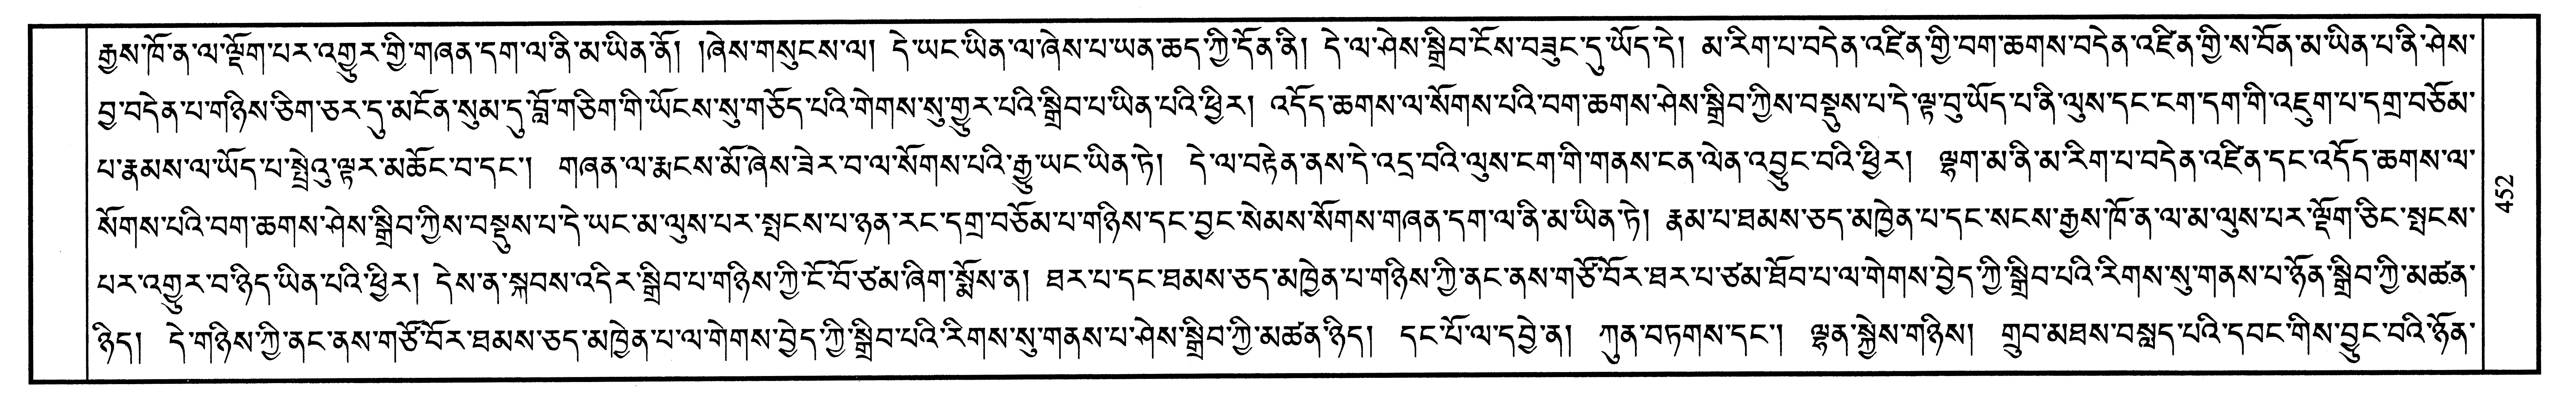རྒྱས་ཁོ་ན་ལ་ལྡོག་པར་འགྱུར་གྱི་གཞན་དག་ལ་ནི་མ་ཡིན་ནོ། །ཞེས་གསུངས་ལ། དེ་ཡང་ཡིན་ལ་ཞེས་པ་ཡན་ཆད་ཀྱི་དོན་ནི། དེ་ལ་ཤེས་སྒྲིབ་ངོས་བཟུང་དུ་ཡོད་དེ། མ་རིག་པ་བདེན་འཛིན་གྱི་བག་ཆགས་བདེན་འཛིན་གྱི་ས་བོན་མ་ཡིན་པ་ནི་ཤེས་
བྱ་བདེན་པ་གཉིས་ཅིག་ཅར་དུ་མངོན་སུམ་དུ་བློ་གཅིག་གི་ཡོངས་སུ་གཅོད་པའི་གེགས་སུ་གྱུར་པའི་སྒྲིབ་པ་ཡིན་པའི་ཕྱིར། འདོད་ཆགས་ལ་སོགས་པའི་བག་ཆགས་ཤེས་སྒྲིབ་ཀྱིས་བསྡུས་པ་དེ་ལྟ་བུ་ཡོད་པ་ནི་ལུས་དང་ངག་དག་གི་འཇུག་པ་དགྲ་བཅོམ་
པ་རྣམས་ལ་ཡོད་པ་སྤྲེའུ་ལྟར་མཆོང་བ་དང་། གཞན་ལ་རྨངས་མོ་ཞེས་ཟེར་བ་ལ་སོགས་པའི་རྒྱུ་ཡང་ཡིན་ཏེ། དེ་ལ་བརྟེན་ནས་དེ་འདྲ་བའི་ལུས་ངག་གི་གནས་ངན་ལེན་འབྱུང་བའི་ཕྱིར། ལྷག་མ་ནི་མ་རིག་པ་བདེན་འཛིན་དང་འདོད་ཆགས་ལ་
སོགས་པའི་བག་ཆགས་ཤེས་སྒྲིབ་ཀྱིས་བསྡུས་པ་དེ་ཡང་མ་ལུས་པར་སྤངས་པ་ཉན་རང་དགྲ་བཅོམ་པ་གཉིས་དང་བྱང་སེམས་སོགས་གཞན་དག་ལ་ནི་མ་ཡིན་ཏེ། རྣམ་པ་ཐམས་ཅད་མཁྱེན་པ་དང་སངས་རྒྱས་ཁོ་ན་ལ་མ་ལུས་པར་ལྡོག་ཅིང་སྤངས་
པར་འགྱུར་བ་ཉིད་ཡིན་པའི་ཕྱིར། དེས་ན་སྐབས་འདིར་སྒྲིབ་པ་གཉིས་ཀྱི་ངོ་བོ་ཙམ་ཞིག་སྨོས་ན། ཐར་པ་དང་ཐམས་ཅད་མཁྱེན་པ་གཉིས་ཀྱི་ནང་ནས་གཙོ་བོར་ཐར་པ་ཙམ་ཐོབ་པ་ལ་གེགས་བྱེད་ཀྱི་སྒྲིབ་པའི་རིགས་སུ་གནས་པ་ཉོན་སྒྲིབ་ཀྱི་མཚན་
ཉིད། དེ་གཉིས་ཀྱི་ནང་ནས་གཙོ་བོར་ཐམས་ཅད་མཁྱེན་པ་ལ་གེགས་བྱེད་ཀྱི་སྒྲིབ་པའི་རིགས་སུ་གནས་པ་ཤེས་སྒྲིབ་ཀྱི་མཚན་ཉིད། དང་པོ་ལ་དབྱེ་ན། ཀུན་བཏགས་དང་། ལྷན་སྐྱེས་གཉིས། གྲུབ་མཐས་བསླད་པའི་དབང་གིས་བྱུང་བའི་ཉོན་